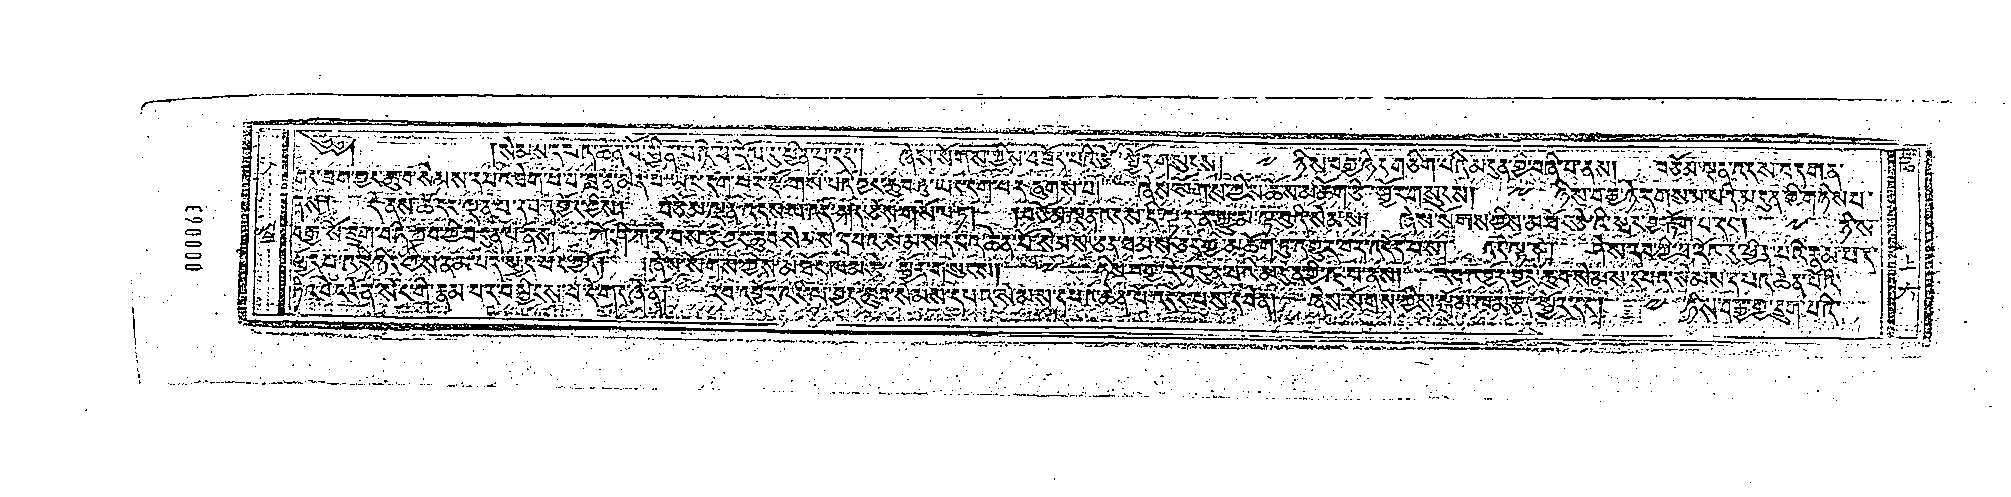༄༅། །སེམས་དཔའ་ཆེན་པོ་སྦྱིན་པའི་ཕ་རོལ་དུ་ཕྱིན་པ་དང་། ཞེས་སོགས་ཀྱིས་བཟོད་པའི་རྩེ་སྦྱོར་གསུངས། ༧་ཉིས་བརྒྱ་ཉེར་གཅིག་པའི་མདུན་གྱི་བཞི་པ་ནས། བཅོམ་ལྡན་འདས་བདག་ནི་
གང་ཟག་བྱང་ཆུབ་སེམས་དཔའ་ཐེག་པ་པ་བླ་ན་མེད་པ་ཡང་དག་པར་རྫོགས་པའི་བྱང་ཆུབ་ཏུ་ཡང་དག་པར་ཞུགས་པ། ཞེས་སོགས་ཀྱིས་ཆོས་མཆོག་ཅི་སྦྱོར་གསུངས། ༧་ཉིས་བརྒྱ་ཉེར་གསུམ་པའི་མདུན་གྱི་གཉིས་པ་
ནས། དེ་ནས་ཚེ་དང་ལྡན་པ་རབ་འབྱོར་ཀྱིས། བཅོམ་ལྡན་འདས་ལ་འདི་སྐད་ཅེས་གསོལ་ཏོ། །བཅོམ་ལྡན་འདས་དི་ལྟར་ན་སྒྱུ་མ་ལྟ་བུའི་སེམས། ཞེས་སོགས་ཀྱིས་མཐོ་བརྩེའི་སྤང་བྱ་རྟོག་པ་དང་། ༧་ཉིས་
བརྒྱ་སོ་དྲུག་པའི་རྒྱབ་ཀྱི་བདུན་པ་ནས། ཀོ་ཤི་ཀ་དེ་བས་ན་བྱང་ཆུབ་སེམས་དཔའ་སེམས་དཔའ་ཆེན་པོ་སེམས་ཅན་ཐམས་ཅད་ཀྱི་མཆོག་ཏུ་འགྱུར་བར་འདོད་པས། འདི་ལྟ་སྟེ། ཤེས་རབ་ཀྱི་ཕ་རོལ་དུ་ཕྱིན་པའི་རྣམ་པར་
སྤྱོད་པ་འདི་ཉིད་ཀྱིས་རྣམ་པར་སྤྱད་པར་བྱའོ། །ཞེས་སོགས་ཀྱིས་མཐོང་ལམ་རྩེ་སྦྱོར་གསུངས། ༧་ཉིས་བརྒྱ་རེ་བདུན་པའི་མདུན་གྱི་ལྔ་པ་ནས། རབ་འབྱོར་བྱང་ཆུབ་སེམས་དཔའ་སེམས་དཔའ་ཆེན་པོའི་
ཏིང་ངེ་འཛིན་སེང་གེ་རྣམ་པར་བསྐྱིངས་པ་དེ་གང་ཞེ་ན། རབ་འབྱོར་འདི་ལ་བྱང་ཆུབ་སེམས་དཔའ་སེམས་དཔའ་ཆེན་པོ་འདོད་པས་དབེན། ཞེས་སོགས་ཀྱིས་སྒོམ་ལམ་རྩེ་སྦྱོར་དང་། ༧་ཉིས་བརྒྱ་གྱ་དྲུག་པའི་